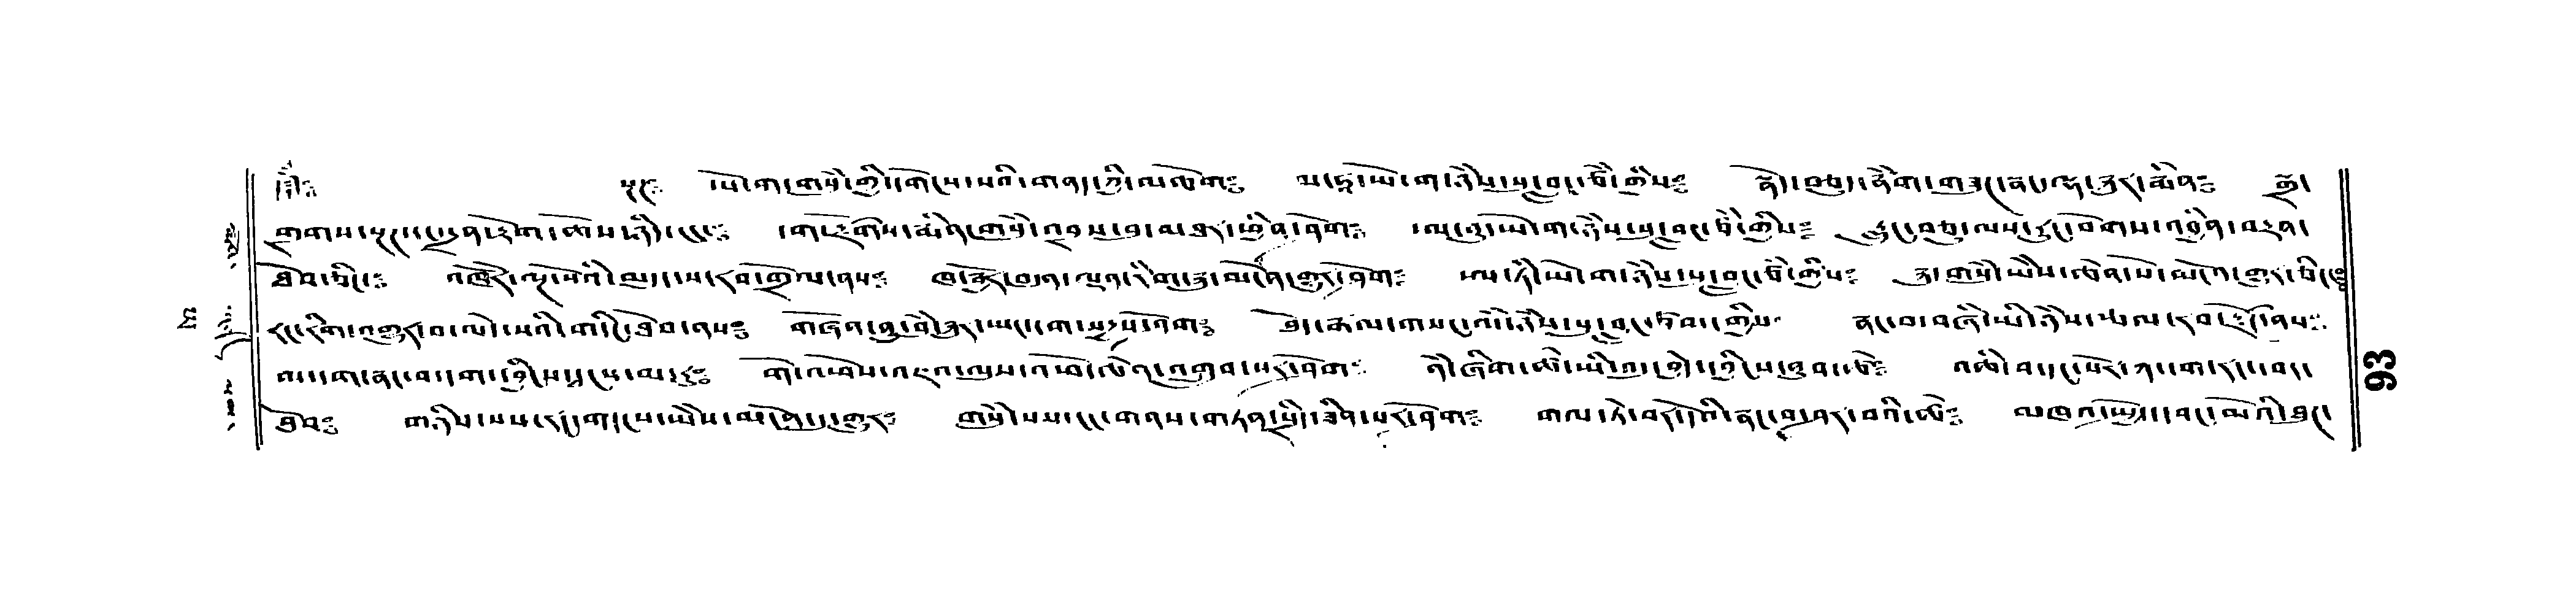སྔགས༔ ཡོ་ག་གསུམ་གྱི་དགོངས་པའི་གནད་ཀྱི་མཆོག༔ མ་ཧཱ་ཡོ་ག་ཉམས་སུ་བླང་ཙམ་གྱིས༔ སྣོད་བཅུད་རྣམ་དག་གཟུགས་སྣང་ལྷ་སྐུར་སྨིན༔ སྒྲ་
གྲགས་སྔགས་དང་དྲན་རྟོག་ཆོས་ཉིད་ངང༔ དག་རྫོགས་སྨིན་གསུམ་འབྲས་བུ་མཐར་ཕྱིན་ཤོག༔ ཨ་ནུ་ཡོ་ག་ཉམས་སུ་བླང་ཙམ་གྱིས༔ རླུང་བཅུ་ལས་རུང་བོགས་འབྱིན་བརྟན་
ཐོབ་ཅིང༔ འཁོར་ལོ་ལྔ་པོའི་མདུད་པ་རབ་གྲོལ་ནས༔ ཁ་སྦྱོར་བདུན་ལྡན་རིག་སྐུ་མངོན་གྱུར་ཤོག༔ ཨ་ཏི་ཡོ་ག་ཉམས་སུ་བླང་ཙམ་གྱིས༔ སྐུ་གསུམ་ཡེ་ཤེས་ཆེན་པོ་མངོན་གྱུར་ཅིང༔ 
རང་རིག་འགྱུར་བ་མེད་པའི་གདིང་ཐོབ་ནས༔ གཞོན་ནུ་བུམ་སྐུར་ཡང་དག་སངས་རྒྱས་ཤོག༔ ཐོད་རྒལ་གསང་ལམ་ཉམས་སུ་བླང་ཙམ་གྱིས༔ སྣང་བ་བཞི་ཡི་ཉམས་རྩལ་རབ་རྫོགས་ནས༔ 
མ་དག་སྣང་བ་དག་དབྱིངས་དྭངས་མ་རུ༔ གོ་འཕོས་འཇའ་ལུས་འཕོ་ཆེན་འགྲུབ་པར་ཤོག༔ ནམ་ཞིག་ཚེ་ཡི་འདུ་བྱེད་དབྱིངས་ནུབ་ཚེ༔ འཆི་བ་དང་པོར་ཀ་དག་རང་དབང་
ཐོབ༔ གཉིས་པས་རང་གདངས་ཡེ་ཤེས་མངོན་དུ་གྱུར༔ གསུམ་པས་ངང་གནས་གཏན་སྲིད་ཟིན་པར་ཤོག༔ གལ་ཏེ་བར་དོའི་སྣང་བ་ཤར་བའི་ཚེ༔ མཁའ་སྤྱོད་དབང་མོའི་ཐུགས་